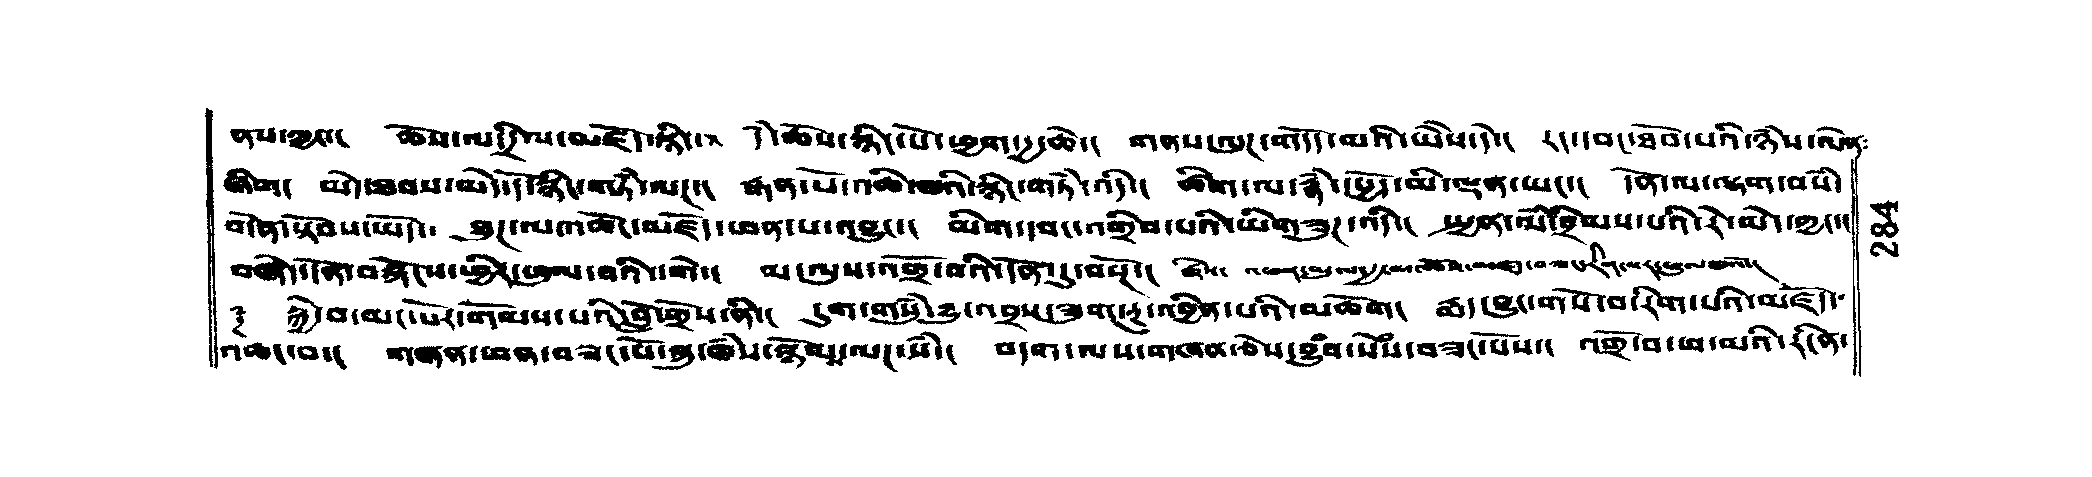ནས་ཀྱང་། །ཆོས་ལ་དྲིལ་མཛོད་སྙིང་གཏམ་ཡིན། །དམ་ཆོས་སྙིང་པོ་ཕྱག་རྒྱ་ཆེ། །གནས་ལུགས་གདོད་མའི་ཡེ་ཤེས་དེ། །རང་དབང་ཐོབ་པའི་ཉམས་ལེན་
ཞིག །མེད་ཐབས་མེད་དོ་སྙིང་གཏམ་ལགས། །རྒན་པོ་འཆི་ཁའི་སྙིང་གཏམ་འདི། །ཚིག་ལ་རྣམ་དཔྱོད་མི་ལྡན་ཡང་། །དོན་ལ་ལྷག་བསམ་
བདེན་སྟོབས་ཡོད། །ཐུགས་ལ་འཆང་མཛོད་ཕན་པ་འབྱུང་། །མིག་དབང་འགྲིབ་པའི་ཡིག་གཟུགས་འདི། །སྤྱན་ལམ་བྲིམས་པའི་རེ་མེད་ཀྱང་། །
བཞེད་དོན་བསྐོངས་ཕྱིར་ཕུལ་བའི་དགེ།མ་ལུས་འགྲོ་བའི་དོན་དུ་བསྔོ། ཞེས་འཕན་ཡུལ་རྒྱ་མ་ཆོས་མཛད་བཟང་རིག་པར་ཕུལ་བའོ།། 
༈ སྐྱེ་བ་མང་པོར་གོམས་པའི་བློ་གྲོས་ནི། །དུག་གསུམ་རྒྱུ་འབྲས་ཟུག་རྔུ་འབྱིན་པའི་མཆོག །རྨད་བྱུང་གསོ་བ་རིག་པའི་མཛོད་
འཆང་བ། །གཞན་ཕན་བཟང་པོ་སྐུ་ཁམས་སྙོམས་ལགས་སམ། །བདག་ལས་གཞན་གཅེས་བྱང་ཆུབ་སེམས་བཟང་པོས། །འགྲོ་བ་ཕ་མའི་རང་བཞིན་